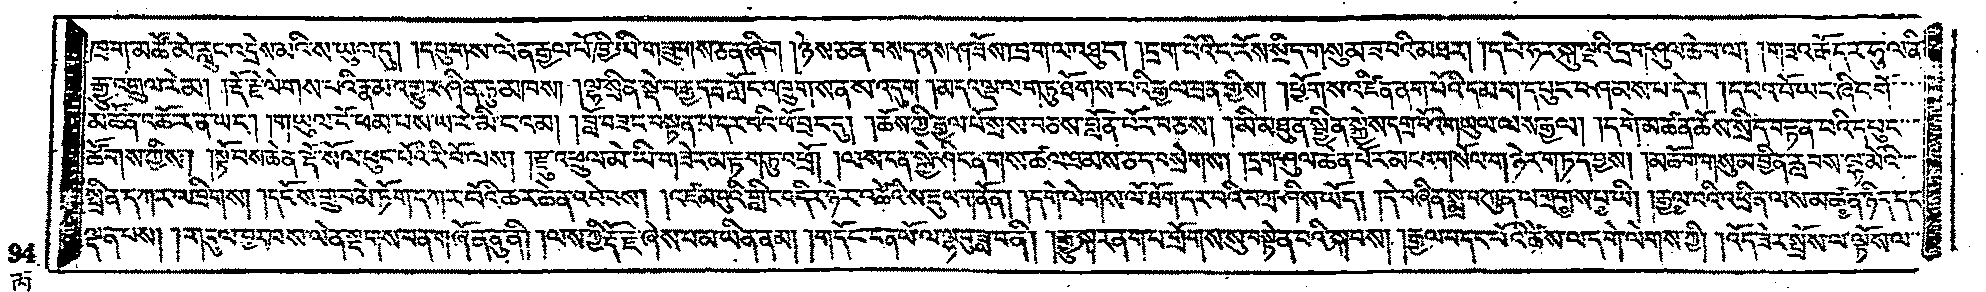ཁྲག་མཚོ་མེ་རླུང་འདྲེས་མའི་ས་ཡུལ་དུ། །དབུགས་ལེན་རྒྱལ་པོ་ཁྱི་ཡི་གཟུགས་ཅན་ཞིག །ཉེས་ཅན་བསད་ནས་ཤ་ཟོས་ཁྲག་ལ་འཐུང་། །དྲག་པོའི་ང་རོས་སྲིད་གསུམ་ཟ་བའི་མཐར། །དཔེ་ཧར་སྐུ་ལྔའི་དྲག་ཤུལ་ཆེ་བ་ལ། །གཟའ་རྒོད་ར་ཧུ་ལ་ནི་
རྒྱུ་འགྲུལ་རེམ། །རྡོ་རྗེ་ལེགས་པའི་རྣམ་འགྱུར་ཤིན་ཏུ་མཁས། །ལྷ་སྲིན་སྡེ་བརྒྱད་རྦ་ཀློང་འཁྲུགས་ནས་འདུག །མདའ་ལྔ་ལག་ཏུ་ཐོགས་པའི་རྒྱལ་བྲན་གྱིས། །ཕྱོགས་འཛིན་ནག་པོའི་དམག་དཔུང་བཤམས་པ་དེར། །དཔའ་བོ་ཡང་ཞིང་གོ་
མཚོན་འཆོར་ན་ཡང་། །གཡུལ་ངོ་ཕམ་པས་ཡ་རེ་མི་ང་འམ། །བློ་བཟང་བསྟན་པ་དར་བའི་ཕོ་བྲང་དུ། །ཆོས་ཀྱི་རྒྱལ་པོ་སྲས་བཅས་བློན་པོར་བཅས། །མི་མཐུན་སྤྱིན་སྐྱེས་དགྲ་བོའི་གཡུལ་ལས་རྒྱལ། །དགེ་མཚན་ཆོས་སྲིད་བརྟན་པའི་དཔུང་
ཚོགས་ཀྱིས། །སྟོབས་ཆེན་རྡོ་སོལ་ཕུང་པོའི་རི་བོ་ལས། །རྫུ་འཕྲུལ་མེ་ཡི་གཟེར་མ་རྟག་ཏུ་འཕྲོ། །ལས་ངན་སྐྱེ་ཤིང་ནགས་ཚལ་ཐམས་ཅད་བསྲེགས། །དྲག་ཤུལ་ཆེན་པོར་མངའ་གསོལ་གཉེར་གཏད་བྱས། །མཆོག་གསུམ་བྱིན་རླབས་ལྷ་མོའི་
སྤྲིན་དཀར་འཁྲིགས། །དངོས་གྲུབ་མེ་ཏོག་དཀར་པོའི་ཆར་ཆེན་འབེབས། །འཛམ་བུའི་གླིང་འདིར་ཉེར་འཚེའི་ས་རྡུལ་གནོན། །དགེ་ལེགས་ལོ་ཐོག་དར་བའི་བཀྲ་ཤིས་ཡོད། །དེ་བཞིན་སྨྲ་བ་ཀུན་ལ་གྲགས྾་པ྾་ཡི། །རྒྱལ྾་བའི་འཕྲིན་ལས་མཚན྾་ཉིད་དང་
ལྡན་པས། །གདུལ་བྱར་ཁས་ལེན་སྔགས་བན་གཞོན་ནུ་ནི། །ལས་ཀྱི་རྡོ་རྗེ་ཞེས་པ་མ་ཡིན་ནམ། །གདོང་ངན་ལོ་ལ་ལྷ་བུ་ཟླ་བ་ནི། །རྒྱུ་སྐར་ནག་པ་གྲོགས་སུ་བསྟེན་པའི་སྐབས། །རྒྱལ་བ་དང་པོའི་ཚེས་ལ་དགེ་ལེགས་ཀྱི། །འོད་ཟེར་སྤྲོས་ལ་ལྟོས་ལ་